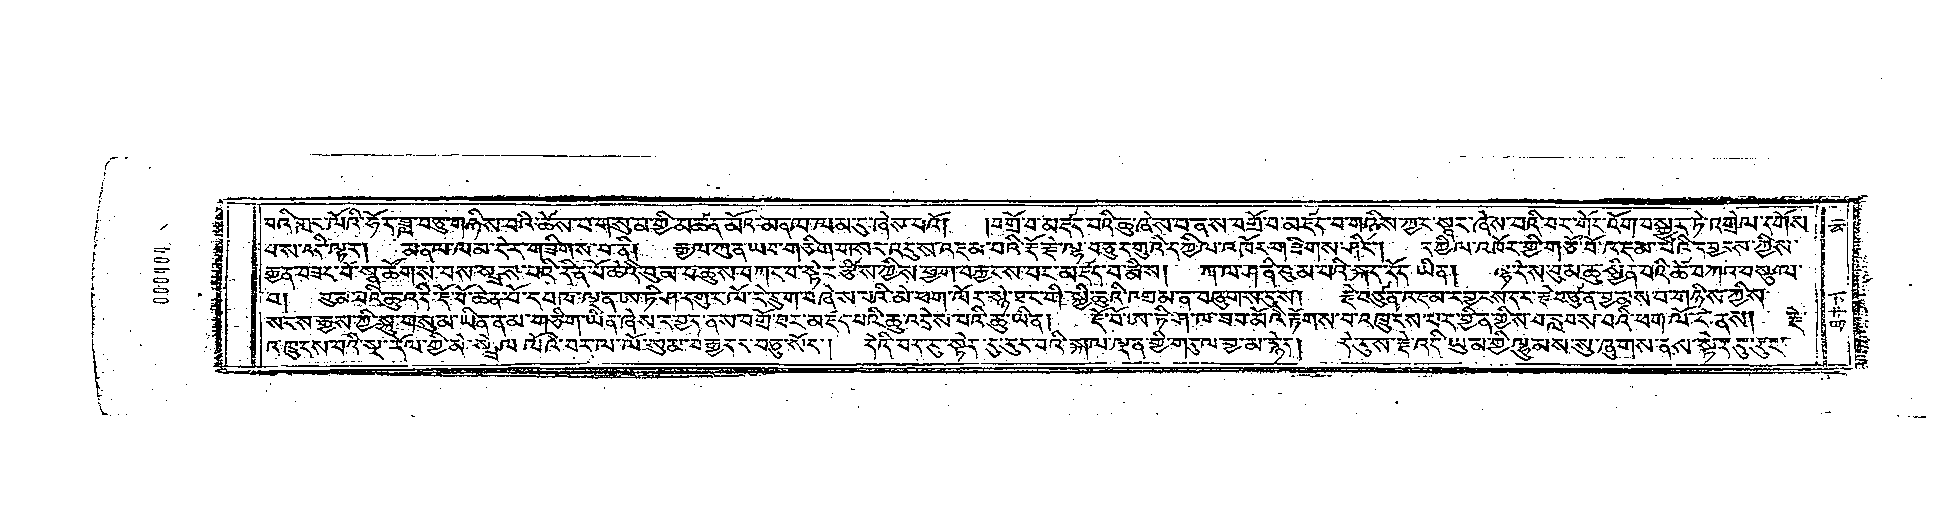བའི་གླང་ལོའི་ཧོར་ཟླ་བཅུ་གཉིས་བའི་ཚེས་པ་གསུམ་གྱི་མཚན་མོའི་མནལ་ལམ་དུ་ཞེས་པའོ། །བགྲོ་བ་མཛད་པའི་ཆུ་ཞེས་པ་ནས་བགྲོ་བ་མཛད་པ་གཉིས་ཀྱང་སྣང་ཞེས་པའི་བར་གོང་འོག་བསྒྱུར་ཏེ་འགྲེལ་དགོས་
པས་འདི་ལྟར། མནལ་ལམ་དེར་གཟིགས་པ་ནི། རྒྱལ་ཀུན་ཡབ་གཅིག་གསར་འདུས་འཇམ་པའི་རྡོ་རྗེ་ལྷ་བཅུ་དགུའི་དཀྱིལ་འཁོར་གཟིགས་ཤིང་། དཀྱིལ་འཁོར་གྱི་གཙོ་བོ་འཇམ་པའི་དབྱངས་ཀྱིས་
རྒྱན་བཟང་པོ་སྣ་ཚོགས་པས་སྤྲས་པའི་རིན་པོ་ཆེའི་བུམ་པ་ཆུས་བཀང་བ་སྟེར་རྩིས་ཀྱིས་ཕྱག་བརྐྱངས་པར་མཛད་པ་རྨིས། ཀ་ལ་ཤ་ནི་བུམ་པའི་སྐད་དོད་ཡིན། ལྷ་ངེས་བུམ་ཆུ་སྦྱིན་པའི་ཚེ་བཀའ་བསྩལ་
བ། བུམ་པའི་ཆུ་འདི་ཇོ་བོ་ཆེན་པོ་དཔལ་ལྡན་ཨ་ཏི་ཤ་དགུང་ལོ་རེ་དྲུག་བཞེས་པའི་མེ་ཕག་ལོར་སྙེ་ཐང་གི་སྐྱི་ཆུའི་འགྲམ་ན་བཞུགས་དུས། རྗེ་བཙུན་འཇམ་དབྱངས་དང་རྗེ་བཙུན་བྱམས་པ་གཉིས་ཀྱིས་
སངས་རྒྱས་ཀྱི་སྐུ་གསུམ་ཡིན་ནམ་གཅིག་ཡིན་ཞེས་དབྱད་ནས་བགྲོ་བར་མཛད་པའི་ཆུ་འདྲེས་པའི་ཆུ་ཡིན། ཇོ་བོ་ཨ་ཏི་ཤ་ལ་ཟབ་མོའི་རྟོགས་པ་འཁྲུངས་པར་བྱིན་གྱིས་བརླབས་པའི་ཕག་ལོ་དེ་ནས། རྗེ་
འཁྲུངས་པའི་སྔ་རོལ་གྱི་མེ་སྤྲེལ་ལོའི་བར་ལ་ལོ་སུམ་བརྒྱ་དང་བཅུ་སོང་། དེའི་བར་དུ་སྟེར་དུ་རུང་བའི་སྐལ་ལྡན་གྱི་གདུལ་བྱ་མ་རྙེད། དེ་དུས་རྗེ་འདི་ཡུམ་གྱི་ལྷུམས་སུ་ཞུགས་ནས་སྟེར་དུ་རུང་